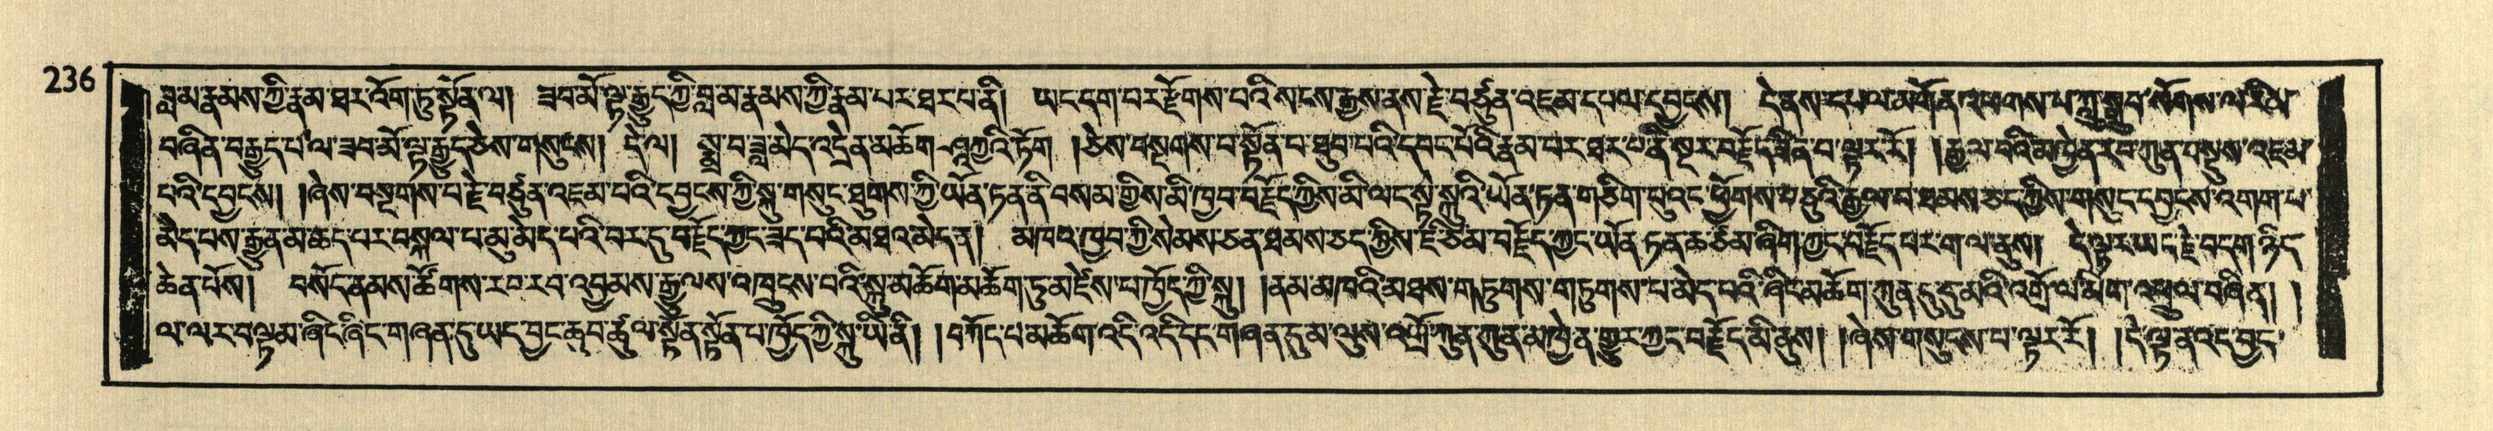བླ་མ་རྣམས་ཀྱི་རྣམ་ཐར་འོག་ཏུ་སྟོན་ལ། ཟབ་མོ་ལྟ་རྒྱུད་ཀྱི་བླ་མ་རྣམས་ཀྱི་རྣམ་པར་ཐར་པ་ནི། ཡང་དག་པར་རྫོགས་པའི་སངས་རྒྱས་ནས་རྗེ་བཙུན་འཇམ་དཔལ་དབྱངས། དེ་ནས་དཔལ་མགོན་འཕགས་པ་ཀླུ་སྒྲུབ་སོགས་ལ་རིམ་
བཞིན་བརྒྱུད་པ་ལ་ཟབ་མོ་ལྟ་རྒྱུད་ཅེས་གསུངས། དེ་ལ། སྨྲ་བ་ཟླ་མེད་འདྲེན་མཆོག་ཤཱཀྱའི་ཏོག །ཅེས་བསྔགས་བསྟོན་པ་ཐུབ་པའི་དབང་པོའི་རྣམ་པར་ཐར་པ་ནི་སྔར་བརྗོད་ཟིན་བ་ལྟར་རོ། །རྒྱལ་བའི་མཁྱེན་རབ་ཀུན་བསྡུས་འཇམ་
པའི་དབྱངས། །ཞེས་བསྔགས་པ་རྗེ་བཙུན་འཇམ་པའི་དབྱངས་ཀྱི་སྐུ་གསུང་ཐུགས་ཀྱི་ཡོན་ཏན་ནི་བསམ་གྱིས་མི་ཁྱབ་བརྗོད་ཀྱིས་མི་ལང་སྟེ་སྐུའི་ཡོན་ཏན་གཅིག་པུའང་ཕྱོགས་བཅུའི་རྒྱལ་བ་ཐམས་ཅད་ཀྱིས་གསུང་དབྱངས་འགག་པ་
མེད་པས་རྒྱུན་མ་ཆད་པར་བསྐལ་པ་མུ་མེད་པའི་བར་དུ་བརྗོད་ཀྱང་ཟད་པའི་མཐའ་མེད་ན། མཁའ་ཁྱབ་ཀྱི་སེམས་ཅན་ཐམས་ཅད་ཀྱིས་ཇི་ཙམ་བརྗོད་ཀྱང་ཡོན་ཏན་ཆ་ཙམ་ཞིག་ཀྱང་བརྗོད་པར་ག་ལ་ནུས། དེ་ལྟར་ཡང་རྗེ་བདག་ཉིད་
ཆེན་པོས། བསོད་ནམས་ཚོགས་རབ་རབ་འབྱམས་རྒྱུ་ལས་འཁྲུངས་པའི་སྐུ་མཆོག་མཆོག་ཏུ་མཛེས་པ་ཁྱོད་ཀྱི་སྐུ། །ནམ་མཁའི་མཐས་གཏུགས་གཏུགས་པ་མེད་པའི་ཞིང་མཆོག་ཀུན་དུ་དུ་མའི་འགྲོ་ལ་མིག་འཕྲུལ་བཞིན། །
ལ་ལར་བལྟམ་ཞིང་ཞིང་གཞན་དུ་ཡང་བྱང་ཆུབ་ཚུལ་སྟོན་སྟོན་པ་ཁྱོད་ཀྱི་སྐུ་ཡི་ནི། །བཀོད་པ་མཆོག་འདི་འདི་དང་གཞན་དུ་མ་ལུས་འགྲོ་ཀུན་ཀུན་མཁྱེན་གྱུར་ཀྱང་བརྗོད་མི་ནུས། །ཞེས་གསུངས་པ་ལྟར་རོ། །དེ་ལྟ་ནའང་བྱང་